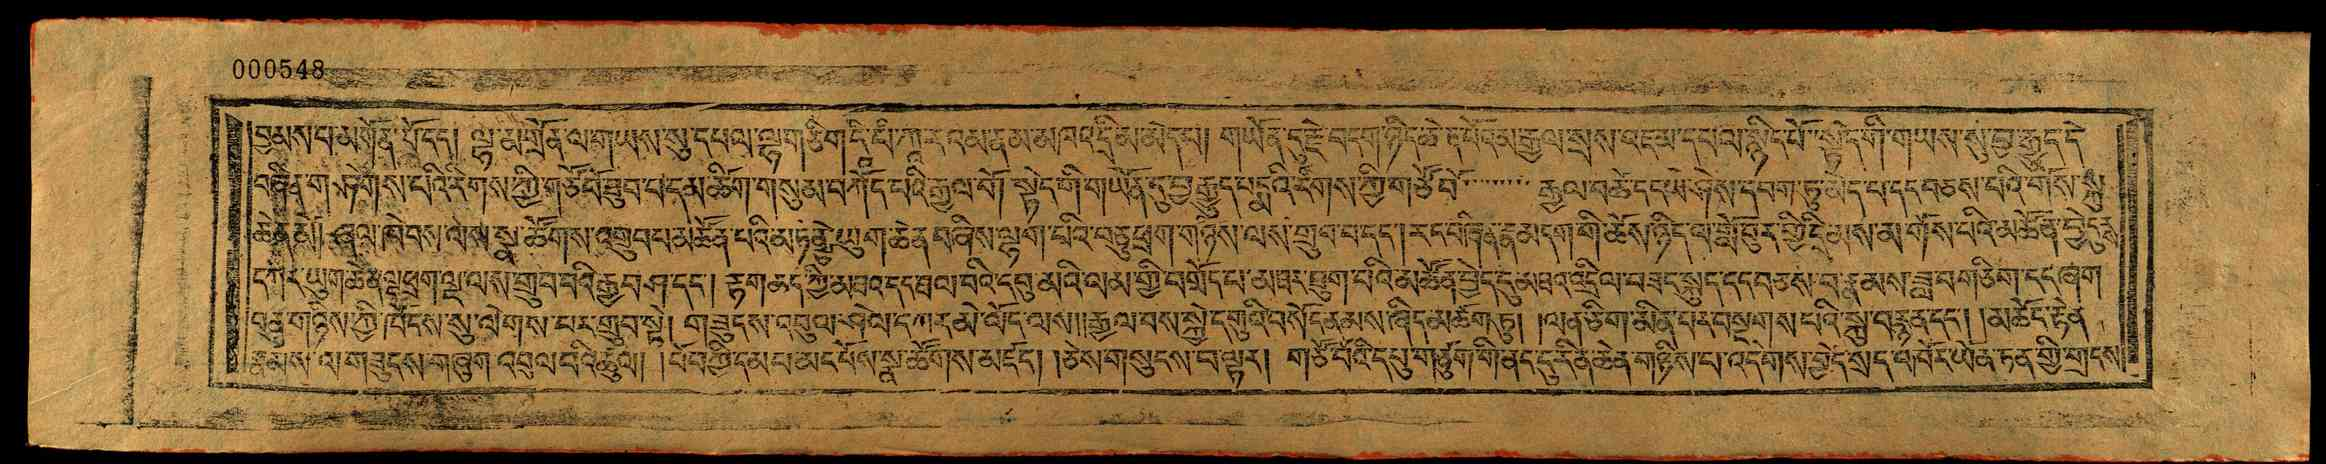བྱམས་པ་མགོན་པོ་དང་། ལྷ་མགྲོན་ལ་གཡས་སུ་དཔལ་ལྷ་གཅིག་དི་བཾ་ཀཱ་རའམ་ནམ་མཁའ་དྲི་མ་མེད་པ། གཡོན་དུ་རྗེ་བདག་ཉིད་ཆེན་པོའམ་རྒྱལ་སྲས་འཇམ་དཔལ་སྙིང་པོ་སྟེང་གི་གཡས་སུ་བྱ་རྒྱུད་དེ་
བཞིན་གཤེགས་པའི་རིགས་ཀྱི་གཙོ་བོ་ཐུབ་པ་དམ་ཚིག་གསུམ་བཀོད་པའི་རྒྱལ་པོ། སྟེང་གི་གཡོན་དུ་བྱ་རྒྱུད་པདམའི་རིགས་ཀྱི་གཙོ་བོ་་་རྒྱལ་བ་ཚེ་དང་ཡེ་ཤེས་དཔག་ཏུ་མེད་པ་དང་བཅས་པའི་གོས་སྐུ་
ཆེན་མོ། ཞལ་ཁེབས་ལས་སྣ་ཚོགས་འགྲུབ་པ་མཚོན་པའི་མ་ཧཉྩེ་ཡུག་ཆེན་བཞིས་ལྷག་པའི་བཅུ་ཕྲག་གཉིས་ལས་གྲུབ་པ་དང་། རང་བཞིན་ནམ་དག་གི་ཆོས་ཉིད་ལ་གློ་བུར་གྱི་དྲི་མས་མ་གོས་པའི་མཚོན་བྱེད་དུ་རས་
དཀར་ཡུག་ཆེན་ལྔ་ཕྲག་ལྔ་ལས་གྲུབ་པའི་རྒྱབ་ཤ་དང་། །རྟག་ཆད་ཀྱི་མཐའ་དང་བྲལ་བའི་དབུ་མའི་ལམ་གྱི་བགྲོད་པ་མཐར་ཐུག་པའི་མཚོན་བྱེད་དུ་མཐའ་འདྲིལ་བཟང་སྐུད་དང་བཅས་པ་རྣམས་ཟླ་བ་གཅིག་དང་ཞག་
བཅུ་གཉིས་ཀྱི་ཁོངས་སུ་ལེགས་པར་གྲུབ་སྟེ། གཟུངས་འབུལ་ཤེལ་དཀར་མེ་ལོང་ལས། རྒྱལ་བས་སྐྱེ་དགུའི་བསོད་ནམས་ཞིང་མཆོག་ཏུ། །ལན་ཅིག་མིན་པར་བསྔགས་པའི་སྐུ་བརྙན་དང་། མཆོད་རྟེན་
རྣམས་ལ་གཟུངས་གཞུག་འབུལ་བའི་ཚུལ། །བོད་ཀྱི་དམ་པ་མང་པོས་སྣ་ཚོགས་མཛད། །ཅེས་གསུངས་པ་ལྟར། གཙོ་བོའི་དབུ་ཙུག་གི་ནང་དུ་རིན་ཆེན་གཉིས་པ་འདེབས་བྱེད་སྲང་འཁོར་ཡོན་ཏན་གྱི་གྲངས་